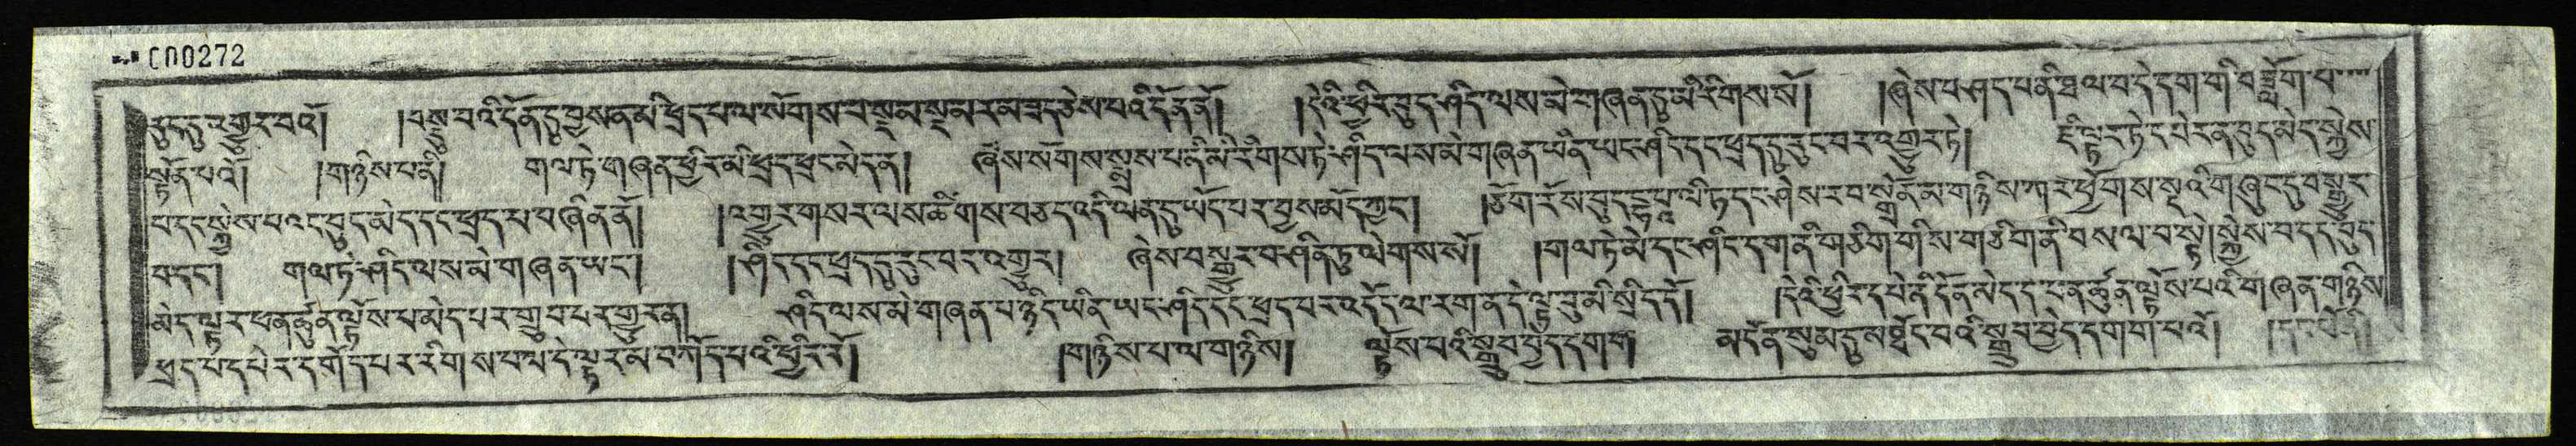རུང་དུ་འགྱུར་བའོ། །བསྡུ་པའི་དོན་དུ་བྱས་ན་མི་ཕྲད་པ་ལ་སོགས་པ་སྔ་མ་སྔ་མར་མ་ཟད་ཅེས་པའི་དོན་ནོ། །དེའི་ཕྱིར་བུད་ཤིང་ལས་མེ་གཞན་དུ་མི་རིགས་སོ། །ཞེས་བཤད་པ་ནི་ཐལ་བ་དེ་དག་གི་བཟློག་པ་
སྟོན་པའོ། །གཉིས་པ་ནི། གལ་ཏེ་གཞན་ཕྱིར་མི་ཕྲད་ཕྲང་མེད་ན། ཞེས་སོགས་སྨྲས་པ་ནི་མི་རིགས་ཏེ་ཤིང་ལས་མེ་གཞན་ཡིན་ཡང་ཤིང་དང་ཕྲད་དུ་རུང་བར་འགྱུར་ཏེ། ཇི་ལྟར་ཏེ་དཔེར་ན་བུད་མེད་སྐྱེས་
པ་དང་སྐྱེས་པའང་བུད་མེད་དང་ཕྲད་པ་བཞིན་ནོ། །འགྱུར་གསར་ལས་ཚིགས་བཅད་འདི་ལན་དུ་ཡོད་པར་བྱས་མོད་ཀྱང་། །ཅོག་རོས་བུད་དྷ་པཱ་ལི་ཏ་དང་ཤེས་རབ་སྒྲོན་མ་གཉིས་ཀར་ཕྱོགས་སྔའི་གཞུང་དུ་བསྒྱུར་
བ་དང་། གལ་ཏེ་ཤིང་ལས་མེ་གཞན་ཡང་། །ཤིང་དང་ཕྲད་དུ་རུང་བར་འགྱུར། ཞེས་བསྒྱུར་བ་ཤིན་ཏུ་ལེགས་སོ། །གལ་ཏེ་མེ་དང་ཤིང་དག་ནི་གཅིག་གིས་གཅིག་ནི་བསལ་བ་སྟེ། སྐྱེས་བ་དང་བུད་
མེད་ལྟར་ཕན་ཚུན་ལྟོས་པ་མེད་པར་གྲུབ་པར་གྱུར་ན། ཤིང་ལས་མེ་གཞན་པ་ཉིད་ཡིན་ཡང་ཤིང་དང་ཕྲད་པར་འདོད་ལ་རག་ན་དེ་ལྟ་བུ་མི་སྲིད་དོ། །དེའི་ཕྱིར་དཔེ་ནི་དོན་མེད་ད་ཕན་ཚུན་ལྟོས་པའི་གཞན་གཉིས་
ཕྲད་པ་དཔེར་དགོད་པར་རིགས་པ་ལ་དེ་ལྟར་མ་བཀོད་པའི་ཕྱིར་རོ། །གཉིས་པ་ལ་གཉིས། ལྟོས་པའི་སྒྲུབ་བྱེད་དགག །མངོན་སུམ་དུ་མཐོང་བའི་སྒྲུབ་བྱེད་དགག་པའོ། །དང་པོ་ནི།